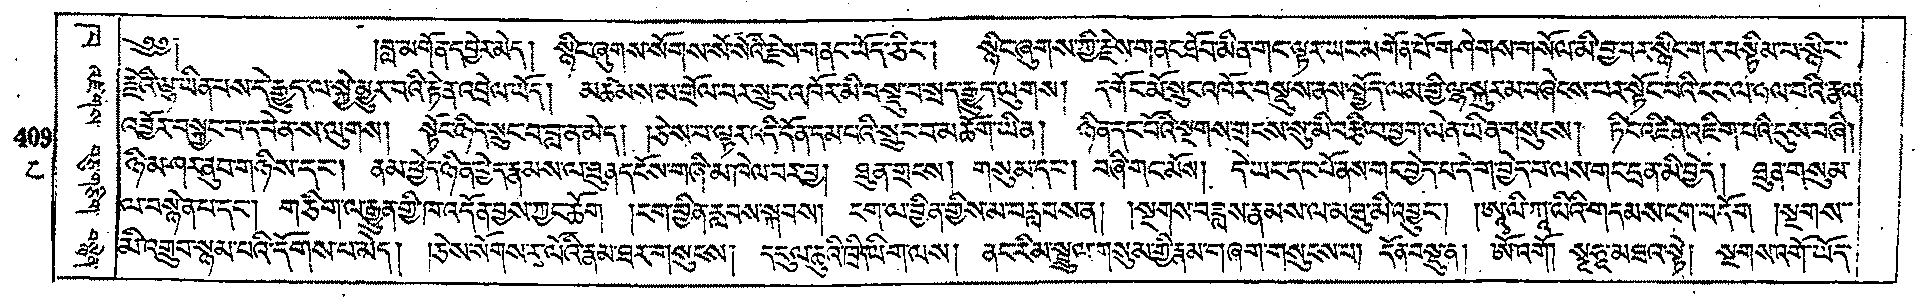༄༅། །བླ་མགོན་དབྱེར་མེད། སྙིང་ཞུགས་སོགས་སོ་སོའི་རྗེས་གནང་ཡོད་ཅིང་། སྙིང་ཞུགས་ཀྱི་རྗེས་གནང་ཐོབ་མིན་གང་ལྟར་ཡང་མགོན་པོ་གཤེགས་གསོལ་མི་བྱ་བར་སྙིང་གར་བསྟིམ་པ་སྙིང་་་
རྗེའི་ལྷ་ཡིན་པས་དེ་རྒྱུད་ལ་སྐྱེ་མྱུར་བའི་རྟེན་འབྲེལ་ཡོད། མཚམས་མ་གྲོལ་བར་སྲུང་འཁོར་མི་བསྡུ་བ་སྲད་རྒྱུད་ལུགས། དགོང་མོ་སྲུང་འཁོར་བསྡུས་ནས་སྤྱོད་ལམ་གྱི་ལྷ་སྐུར་མ་བཞེངས་པར་སྟོང་པའི་ངང་ལ་ཉལ་བའི་རྣལ་
འབྱོར་བསྐྱང་བ་དབེན་ས་ལུགས། སྟོང་ཉིད་སྲུང་བ་བླ་ན་མེད། །ཅེས་པ་ལྟར་འདི་དོན་དམ་པའི་སྲུང་བ་མཆོག་ཡིན། ཉིན་དང་པོའི་སྔགས་གྲངས་སུ་མི་བརྩི་བ་ཕྱག་ལེན་ཡིན་གསུངས། ཏིང་འཛིན་འཇིག་པའི་དུས་བཞི།
ཉི་མ་ཤར་ནུབ་གཉིས་དང་། ནམ་ཕྱེད་ཉིན་ཕྱེད་རྣམས་ལ་ཐུན་དངོས་གཞི་མ་ཁེལ་བར་བྱ། ཐུན་གྲངས། གསུམ་དང་། བཞི་གང་མོས། དེ་ཡང་དང་པོ་ནས་གང་བྱེད་པ་དེ་ག་བྱེད་པ་ལས་གང་དྲན་མི་བྱེད། ཐུན་གསུམ་
ལ་བསྙེན་པ་དང་། གཅིག་ལ་རྒྱུན་གྱི་ཁ་འདོན་བྱས་ཀྱང་ཆོག །ངག་བྱིན་རླབས་སྐབས། ངག་ལ་བྱིན་གྱིས་མ་བརླབས་ན། །སྔགས་བཟླས་རྣམས་ལ་མཐུན་མི་འབྱུང་། །ཨཱཾ་ལི་ཀཱ་ལིའི་གདམས་ངག་བདོག །སྔགས་་་
མི་འགྲུབ་སྙམ་པའི་དོགས་པ་མེད། །ཅེས་སོགས་རྭ་ལོའི་རྣམ་ཐར་གསུངས། དངུལ་ཆུའི་ཁྲིད་ཡིག་ལས། ནང་རིམ་སྦྲུལ་གསུམ་གྱི་རྣམ་གཞག་གསུངས་པ། དོན་བསྡུ་ན། ཨོཾ་འགོ། སྭཱཧཱ་མཐའ་སྟེ། སྔགས་འགོ་ཡོད་